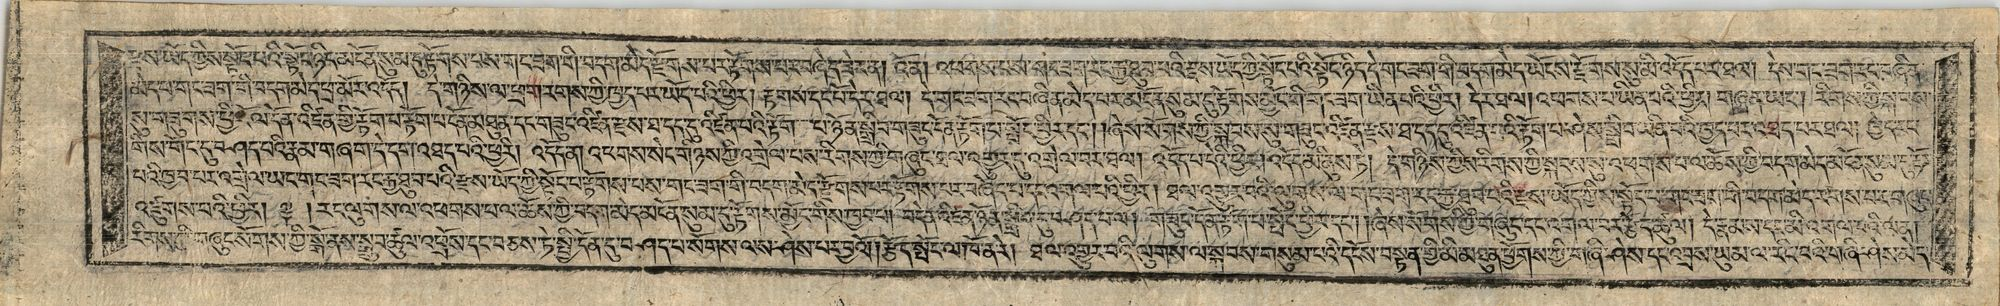རྫས་ཡོད་ཀྱིས་སྟོང་པའི་སྟོང་ཉིད་མངོན་སུམ་དུ་རྟོགས་པས་གང་ཟག་གི་བདག་མེད་རྫོགས་པར་རྟོགས་པར་བཞེད་ཟེར་ན། འོ་ན། འཕགས་པས་གང་ཟག་རང་རྐྱ་ཐུབ་པའི་རྫས་ཡོད་ཀྱི་སྟོང་པའི་སྟོང་ཉིད་དེ་གང་ཟག་གི་བདག་མེད་ཡོངས་རྫོགས་སུ་མི་འདོད་པར་ཐལ། དེས་གང་ཟག་རང་བཞིན་
མེད་པ་གང་ཟག་གི་བདག་མེད་ཕྲ་མོར་འདོད། དེ་གཉིས་ལ་ཕྲ་རགས་ཀྱི་ཁྱད་པར་ཡོད་པའི་ཕྱིར། རྟགས་དང་པོ་དེར་ཐལ། དེ་གང་ཟག་རང་བཞིན་མེད་པར་མངོན་སུམ་དུ་རྟོགས་མྱོང་གི་གང་ཟག་ཡིན་པའི་ཕྱིར། དེར་ཐལ། འཕགས་པ་ཡིན་པའི་ཕྱིར། གཞན་ཡང་། རིགས་ཀྱི་སྐབས་
སུ་གཟུགས་ཕྱི་རོལ་དོན་འཛིན་གྱི་རྟོག་པ་རྟོག་པ་དོན་མཐུན་དང་གཟུང་འཛིན་རྫས་ཐ་དད་དུ་འཛིན་པའི་རྟོག་པ་ཉོན་སྒྲིབ་གཟུང་དོན་རྟོག་པ་སྤོང་ཕྱིར་དང་། །ཞེས་སོགས་ཀྱི་སྐབས་སུ་གཟུང་འཛིན་རྫས་ཐ་དད་དུ་འཛིན་པའི་རྟོག་པ་ཤེས་སྒྲིབ་ཡིན་པའི་ཁྱད་པར་འཐད་པར་ཐལ། ཁྱོད་རང་
གིས་གོང་དུ་བཤད་པའི་རྣམ་གཞག་དེ་དག་འཐད་པའི་ཕྱིར། འདོད་ན། འཕགས་སེང་གཉིས་ཀྱི་འགྲེལ་པས་རིགས་ཀྱི་གཞུང་ཐལ་འགྱུར་དུ་འགྲེལ་བར་ཐལ། འདོད་པ་དེའི་ཕྱིར། འདོད་མི་ནུས་ཏེ། དེ་གཉིས་ཀྱིས་རིགས་ཀྱི་སྐབས་སུ་འཕགས་པ་ལ་ཆོས་ཀྱི་བདག་མེད་མངོན་སུམ་དུ་རྟོགས་
པའི་ཁྱབ་པར་འགྲེལ་ཡང་གང་ཟག་རང་སྐྱཐུབ་པའི་རྫས་ཡོད་ཀྱི་སྟོང་བ་རྟོགས་པས་གང་ཟག་གི་བདག་མེད་རྫོགས་པར་རྟོགས་པར་བཞེད་པ་དང་འགལ་བའི་ཕྱིར། ཐལ་འགྱུར་བའི་ལུགས་ལ་གང་ཟག་རང་རྐྱ་ཐུབ་པའི་རྫས་ཡོད་ཀྱིས་སྟོང་བ་གང་ཟག་གི་བདག་མེད་རགས་པར་གཞུང་
འཇུགསྤའི་ཕྱིར། ༈ ། རང་ལུགས་ལ་འཕགས་པ་ལ་ཆོས་ཀྱི་བདག་མེད་མངོན་སུམ་དུ་རྟོགས་མྱོང་གིས་ཁྱབ་པ། བདེན་འཛིན་ཉོན་སྒྲིབ་དུ་བཤད་པ་ལ། གཟུང་དོན་རྟོག་པ་སྤོང་ཕྱིར་དང་། །ཞེས་སོགས་ཀྱི་གཞུང་དང་འགལ་བར་རྩོད་ཚུལ། དེ་རྣམས་དང་མི་འགལ་བའི་ལན།
རིགས་ཀྱི་གཞུང་སོགས་ཀྱི་སྒོ་ནས་སྒྲུབ་ཚུལ་འཕྲོས་དང་བཅས་ཏེ་སྤྱི་དོན་དུ་བཤད་པ་སོགས་ལས་ཤེས་པར་བྱའོ། །རྩོད་སྤོང་ལ་ཁོ་ན་རེ། ཐལ་འགྱུར་བའི་ལུགས་ལ་སྐབས་གསུམ་པའི་དངོས་བསྟན་གྱི་མི་མཐུན་ཕྱོགས་ཀྱི་གཞི་ཤེས་དང་འབྲས་ཡུམ་ལ་རིང་བའི་གཞི་ཤེས་མེད་